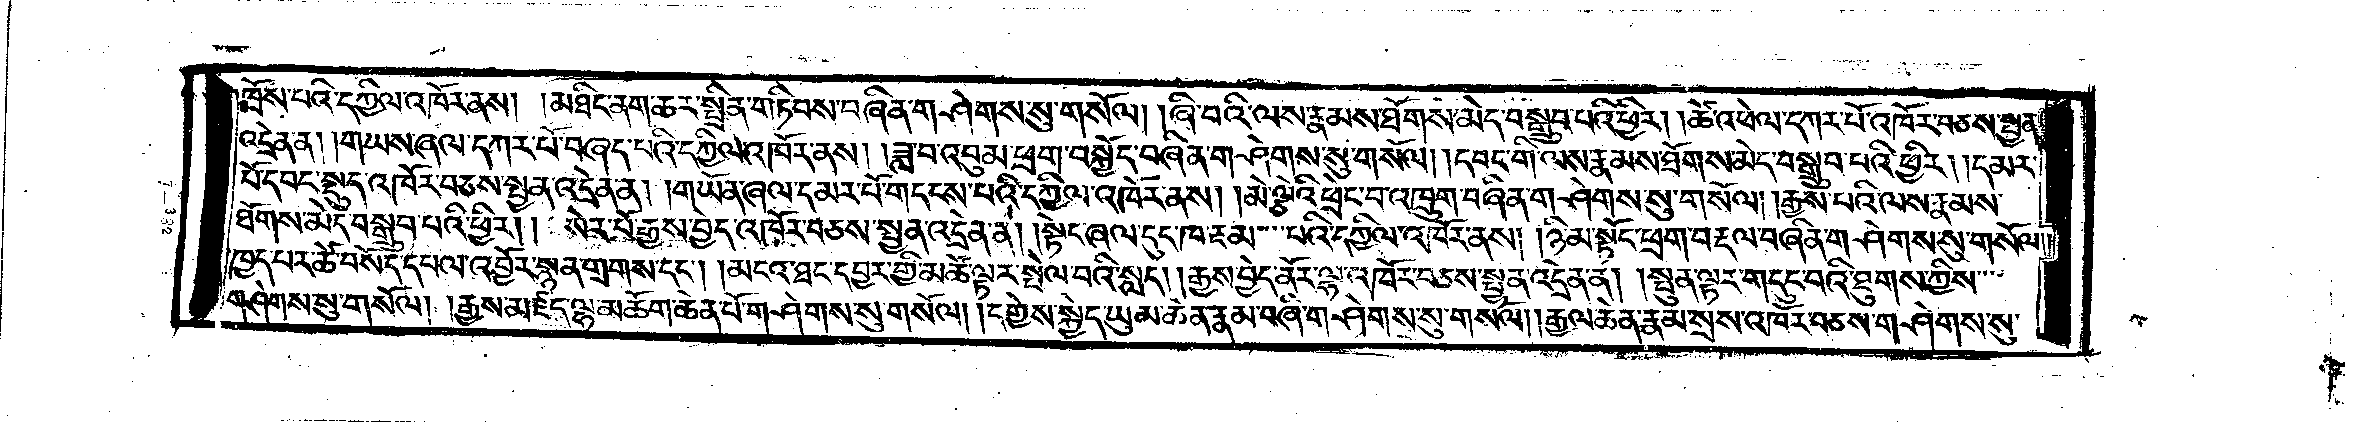ཁྲོས་པའི་དཀྱིལ་འཁོར་ནས། །མཐིང་ནག་ཆར་སྤྲིན་གཏིབས་བཞིན་གཤེགས་སུ་གསོལ། །ཞི་བའི་ལས་རྣམས་ཐོགས་མེད་བསྒྲུབ་པའི་ཕྱིར། །ཆོ་འཕེལ་དཀར་པོ་འཁོར་བཅས་སྤྱན་
འདྲེན་ན། །གཡས་ཞལ་དཀར་པོ་བཞད་པའི་དཀྱིལ་འཁོར་ནས། །ཟླ་བ་འབུམ་ཕྲག་བསྐྱོད་བཞིན་གཤེགས་སུ་གསོལ། །དབང་གི་ལས་རྣམས་ཐོགས་མེད་བསྒྲུབ་པའི་ཕྱིར། །དམར་
པོ་དབང་སྡུད་འཁོར་བཅས་སྤྱན་འདྲེན་ན། །གཡོན་ཞལ་དམར་པོ་གདངས་པའི་དཀྱིལ་འཁོར་ནས། །མེ་ལྕེའི་ཕྲེང་བ་འཁྲུག་བཞིན་གཤེགས་སུ་གསོལ། །རྒྱས་པའི་ལས་རྣམས་
ཐོགས་མེད་བསྒྲུབ་པའི་ཕྱིར། །སེར་པོ་རྒྱས་བྱེད་འཁོར་བཅས་སྤྱན་འདྲེན་ན། །སྟེང་ཞལ་དུང་ཁ་རྔམ་པའི་དཀྱིལ་འཁོར་ནས། །ཉི་མ་སྟོང་ཕྲག་བརྡལ་བཞིན་གཤེགས་སུ་གསོལ།།
ཁྱད་པར་ཚེ་བསོད་དཔལ་འབྱོར་སྙན་གྲགས་དང་། །མངའ་ཐང་དབྱར་གྱི་མཚོ་ལྟར་སྤེལ་བའི་སླད། །རྒྱས་བྱེད་ནོར་ལྷ་འཁོར་བཅས་སྤྱན་འདྲེན་ན། །སྤུན་ལྟར་གདུང་བའི་ཐུགས་ཀྱིས་
གཤེགས་སུ་གསོལ། །རྒྱས་མཛད་ལྷ་མཆོག་ཆེན་པོ་གཤེགས་སུ་གསོལ། །དགྱེས་སྐྱེད་ཡུམ་ཆེན་རྣམ་བཞི་གཤེགས་སུ་གསོལ། །རྒྱལ་ཆེན་རྣམ་སྲས་འཁོར་བཅས་གཤེགས་སུ་